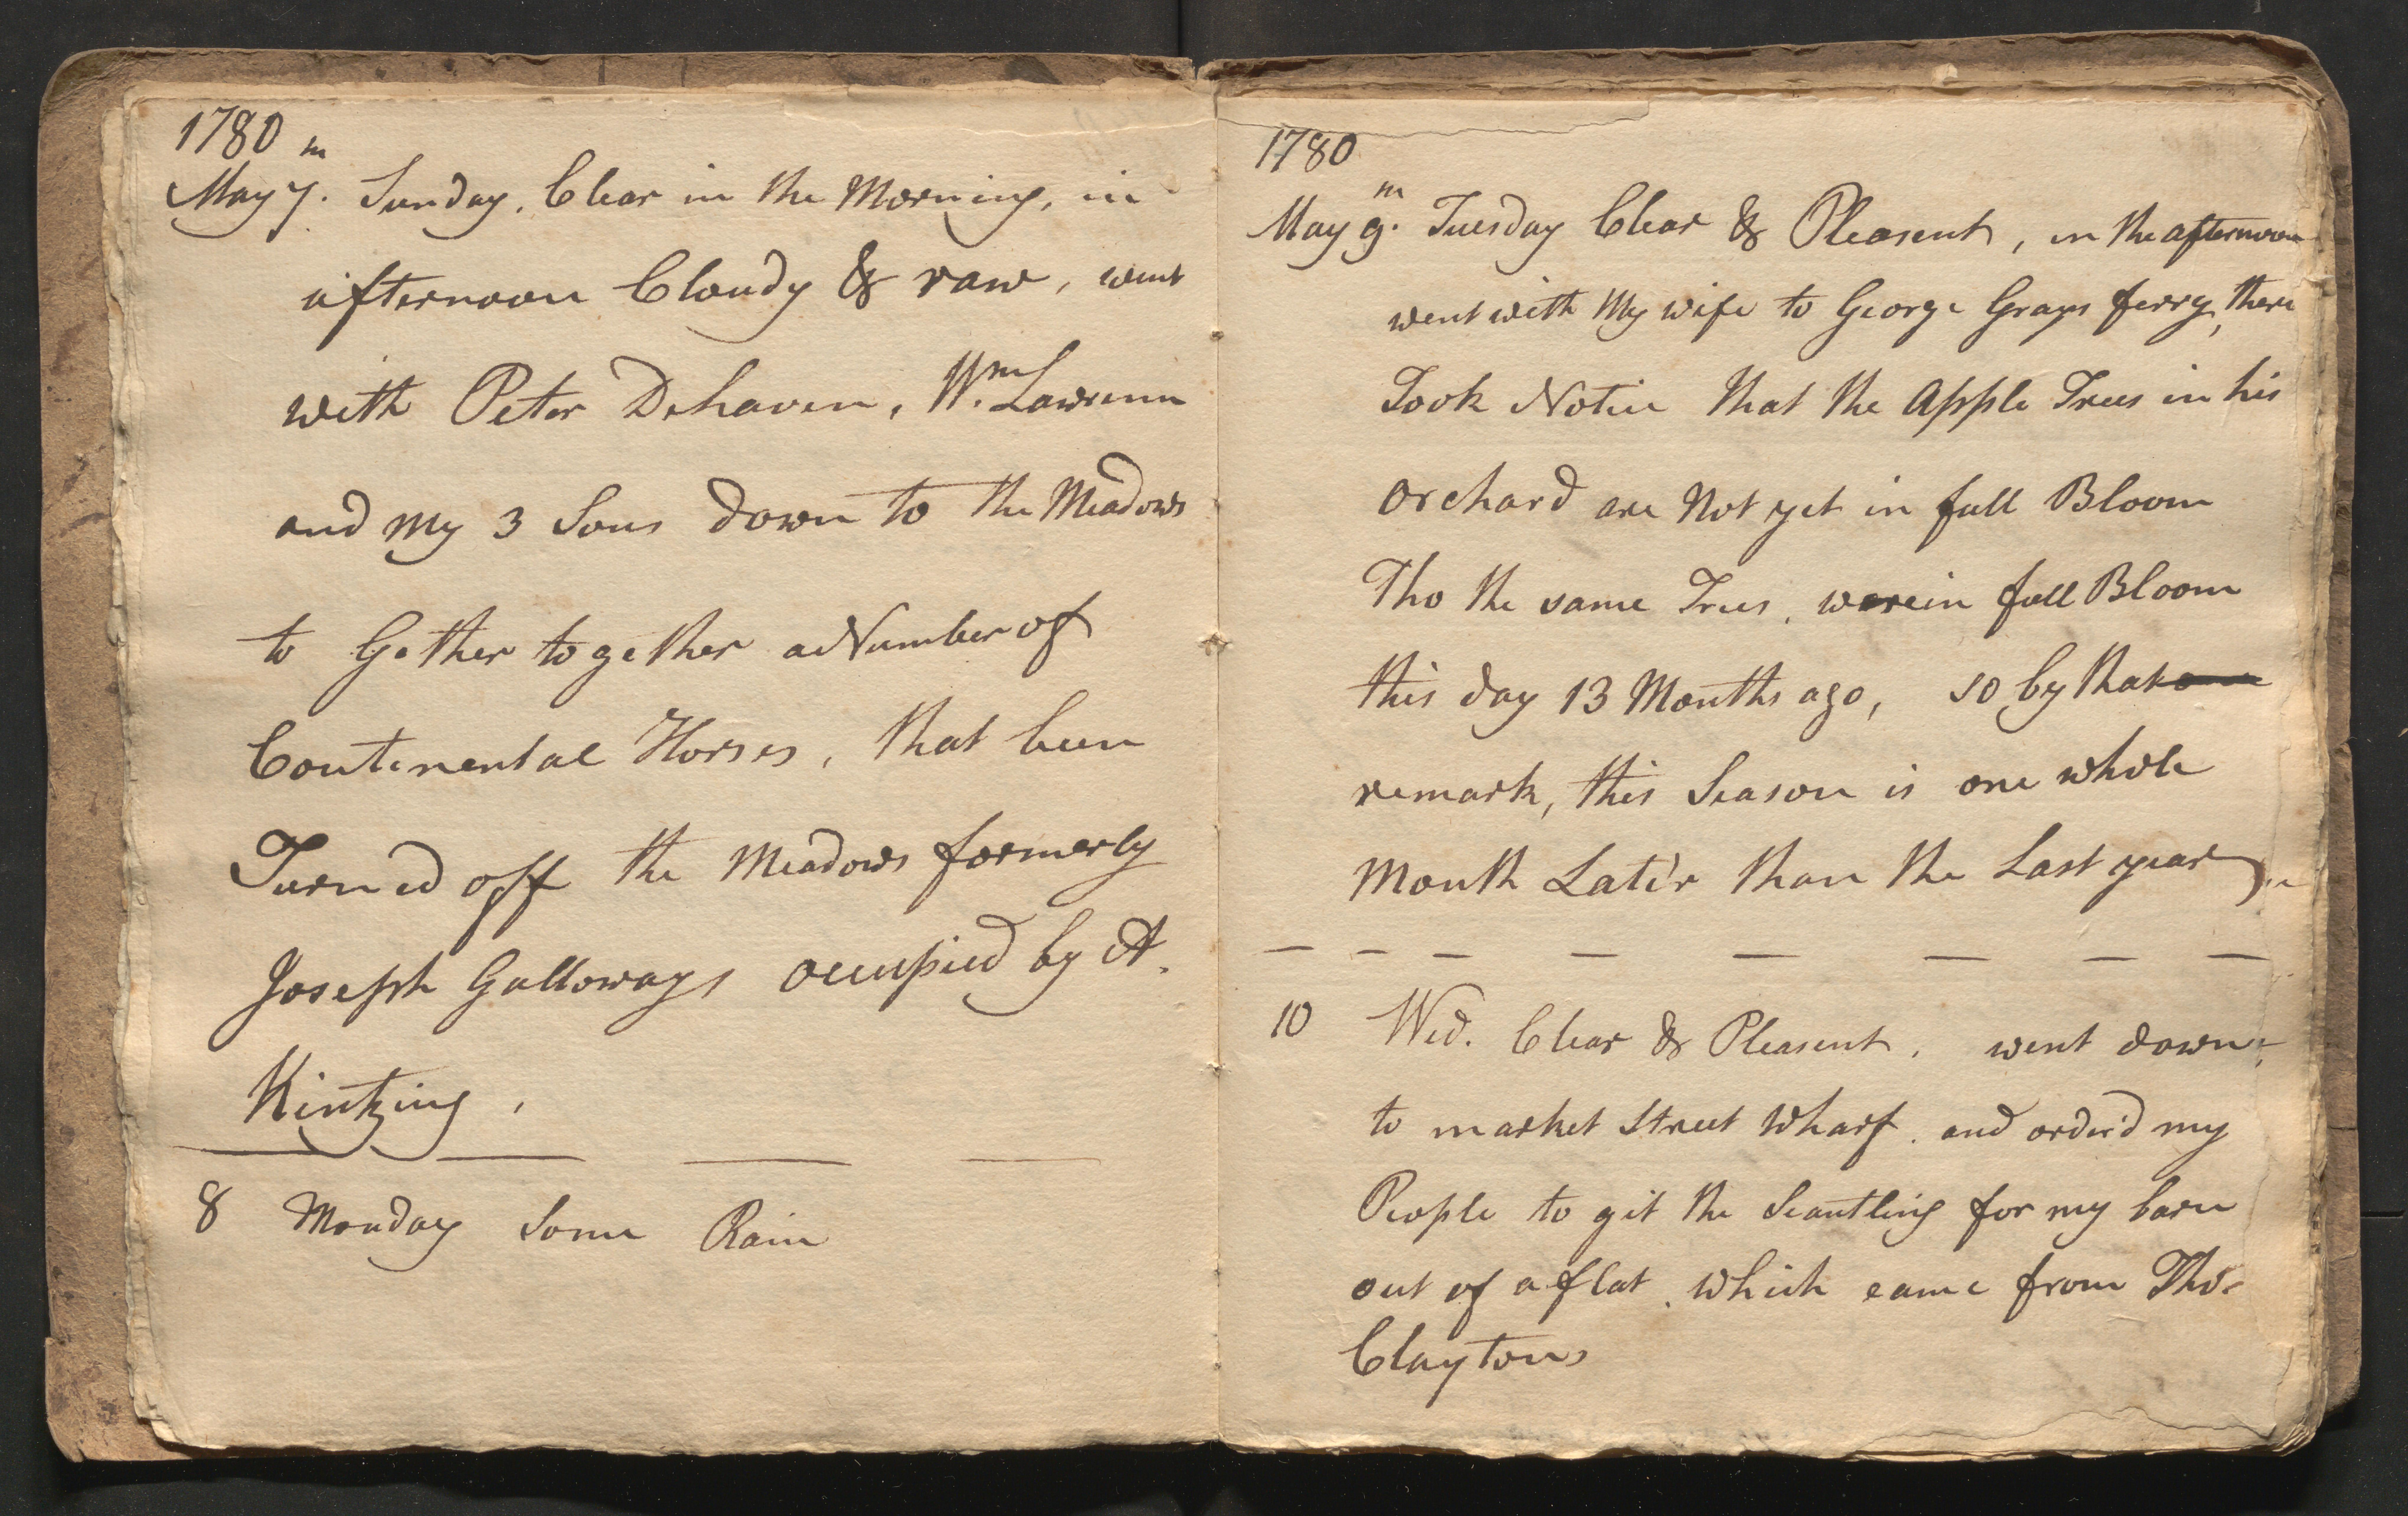1780
May 7^th. Sunday. Clear in the Morning, in
afternoon Cloudy & raw, went
with Peter Dehaven, W^m. Lawrence
and My 3 Sons down to the Meadows
to Go ther to gather a Number of
Continental Horses, that been
Turned off the Meadows formerly
Joseph Galloways occupied by A
Kintzing
8 Monday some Rain
1780
May 9^th. Tuesday Clear & Pleasent, in the afternoon
went with My wife to George Grays ferry, there
Took Notice that the Apple Trees in his
orchard are Not yet in full Bloom
Tho the same Trees were in full Bloom
this day 13 Months ago, so by that [one]
remark, this Season is one whole
Month Latee than the Last year
10 Wed. Clear & Pleasent, went down
to market Street wharf and order'd my
People to git the Scantling for my barn
out of a flat, which came from Tho^s.
Claytons